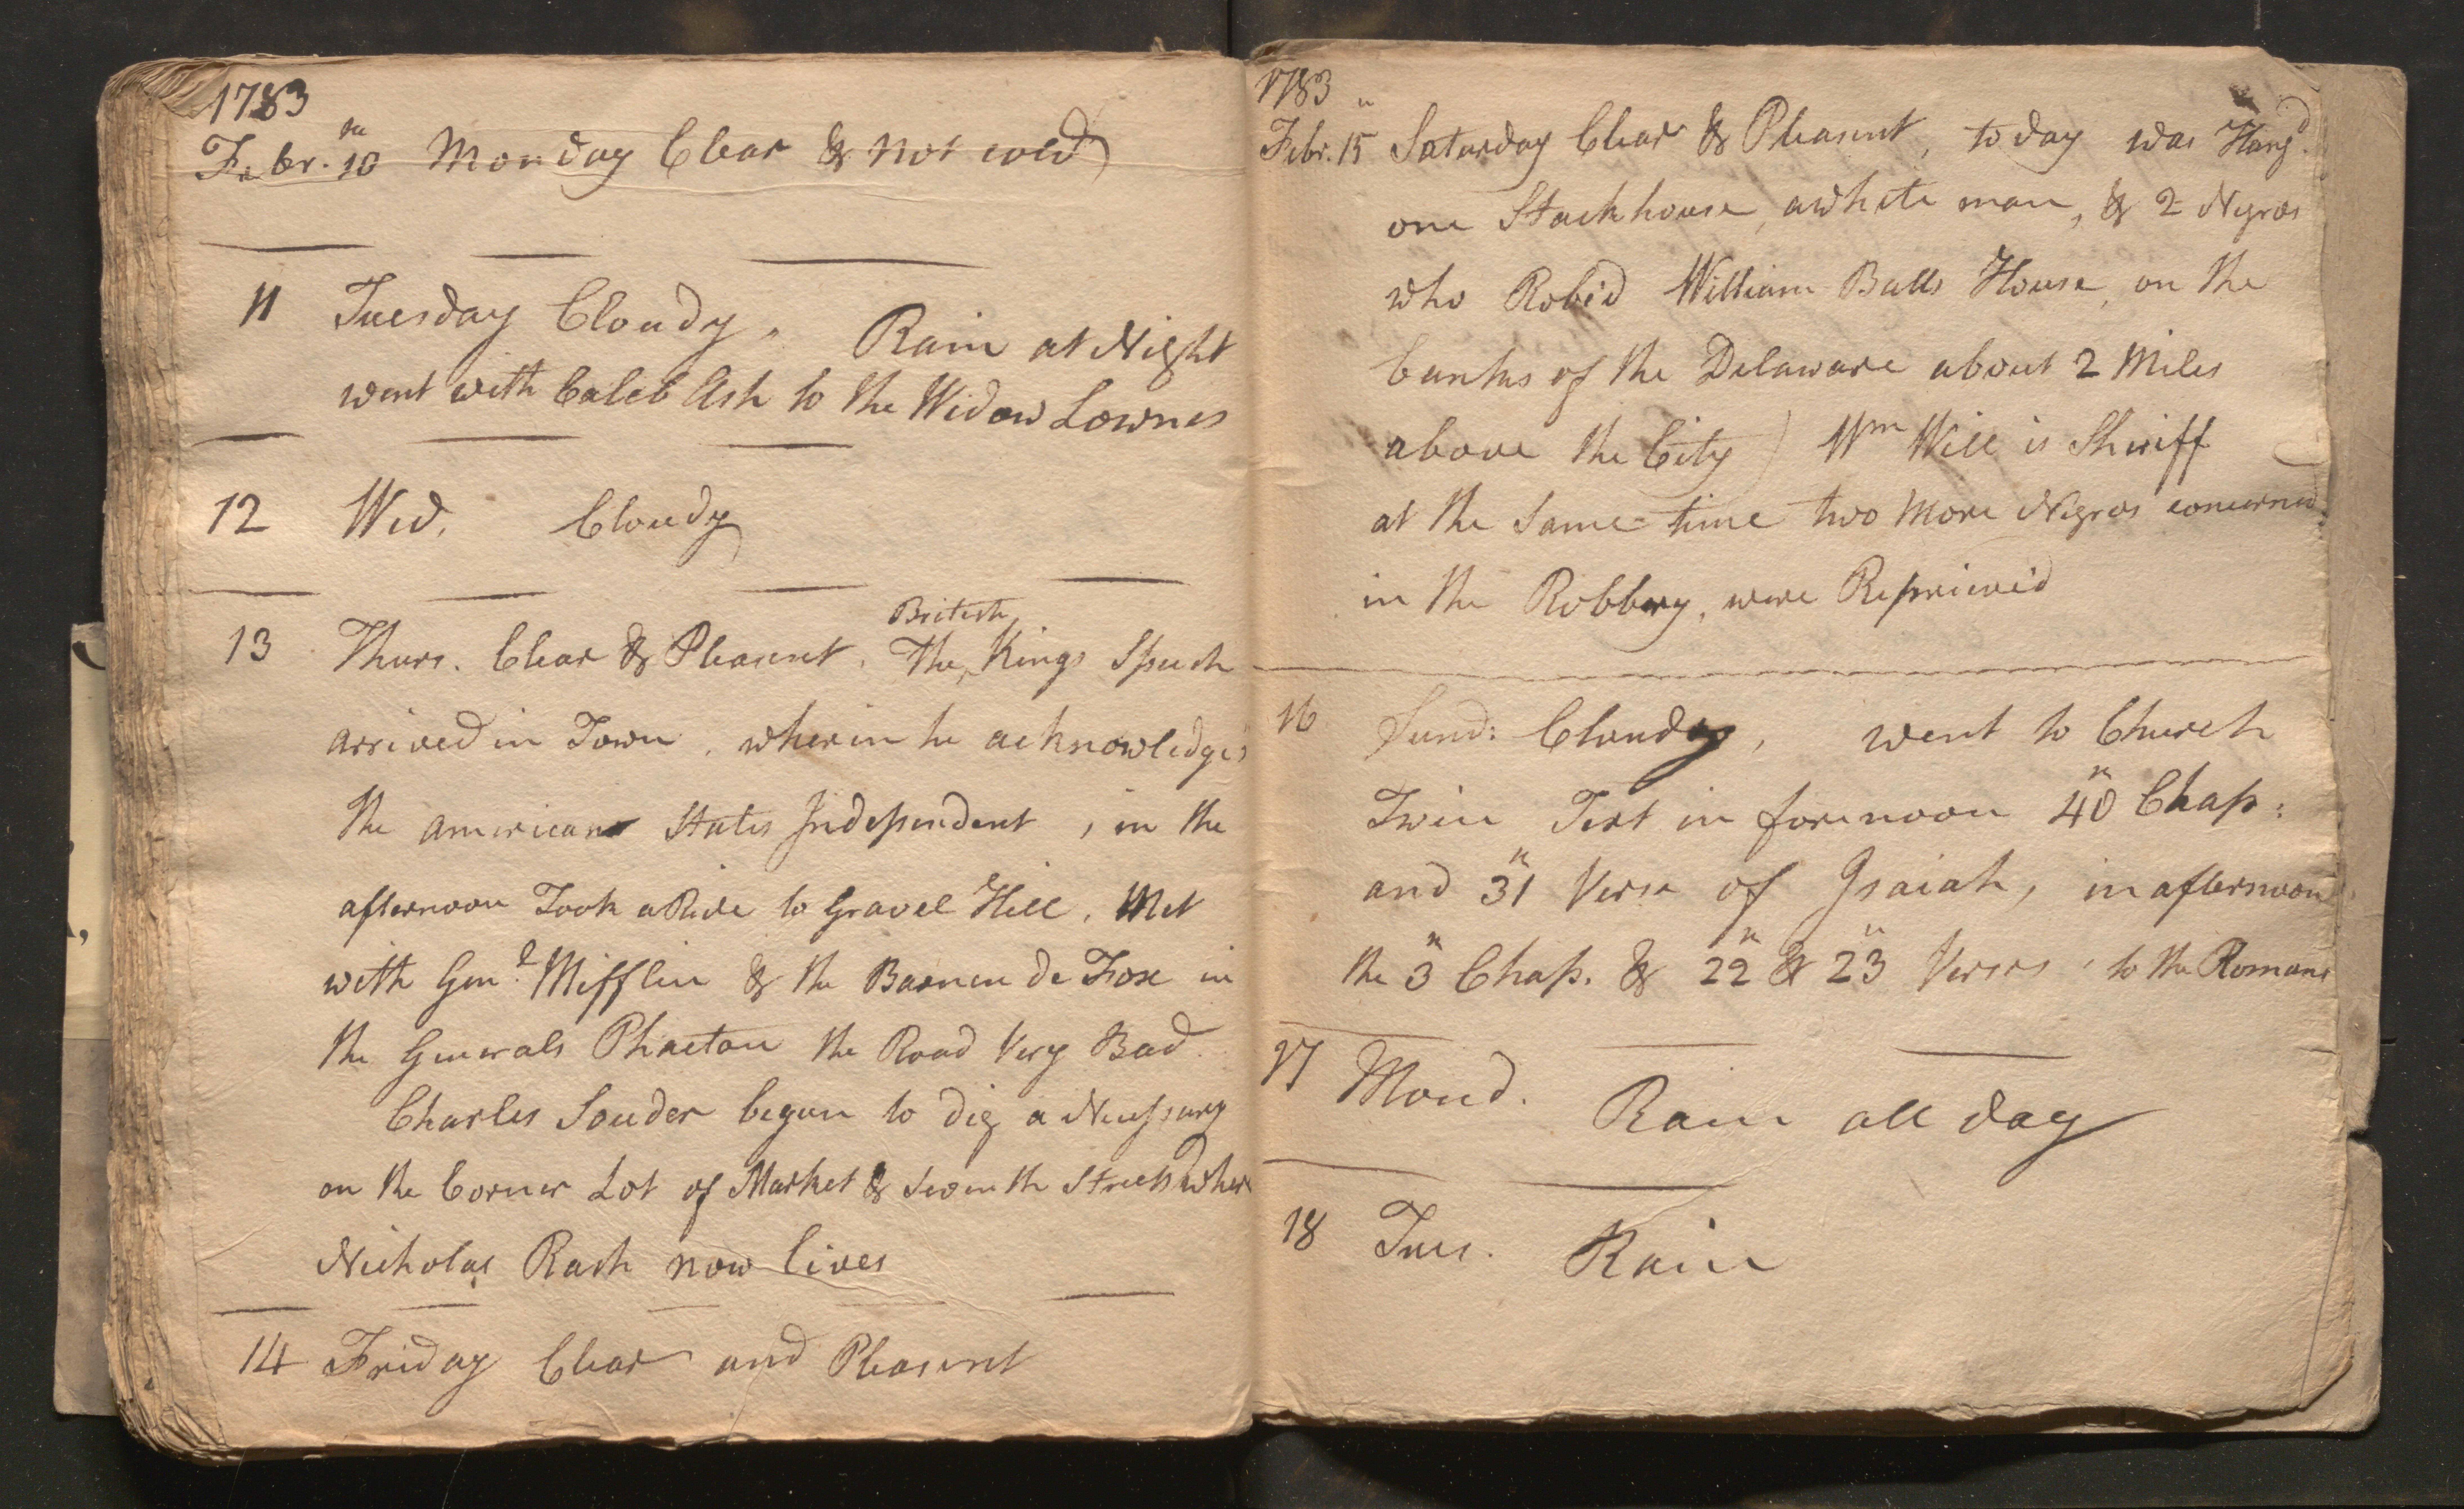1783
Febr. 10^th Monday Clear & not cold
11 Tuesday Cloudy. Rain at Night
went with Caleb Ash to the Widow Lownes
12 Wed. Cloudy
British
13 Thurs. Clear & Pleasent. The ^ Kings Speech
Arrived in Town, wherin he acknowledges
The american States Independent, on the
afternoon Took a Ride to Gravel Hill, Met
with Gen^l. Mifflin & the Barner de Fox in
the Generals Phaeton the Road Very Bad.
Charles Souder begun to dig, a Necessary
on the Corner Lot of Market & Seventh Streets where
Nicholas Rash now lives
14 Friday Clear and Pleasent
1783
Feb^r. 15 Saturday Clear & Pleasent, to day was Hang^d
one Stackhouse a white man, & 2 Negros
who Robed William Balls House on the
banks of the Delaware about 2 Miles
above the City W^m. Will is Sheriff
at the same time two More Negros concerned
in the Robbery were Repreive'd
16 Sund: Cloudy, went to Church
Twice Text in forenoon 40^th Chap:
and 31^th Verse of Isaiah, in afternoon
the 3^th Chap. & 22^th & 23^th Verses to the Romans
17 Mond. Rain all day
18 Tues. Rain